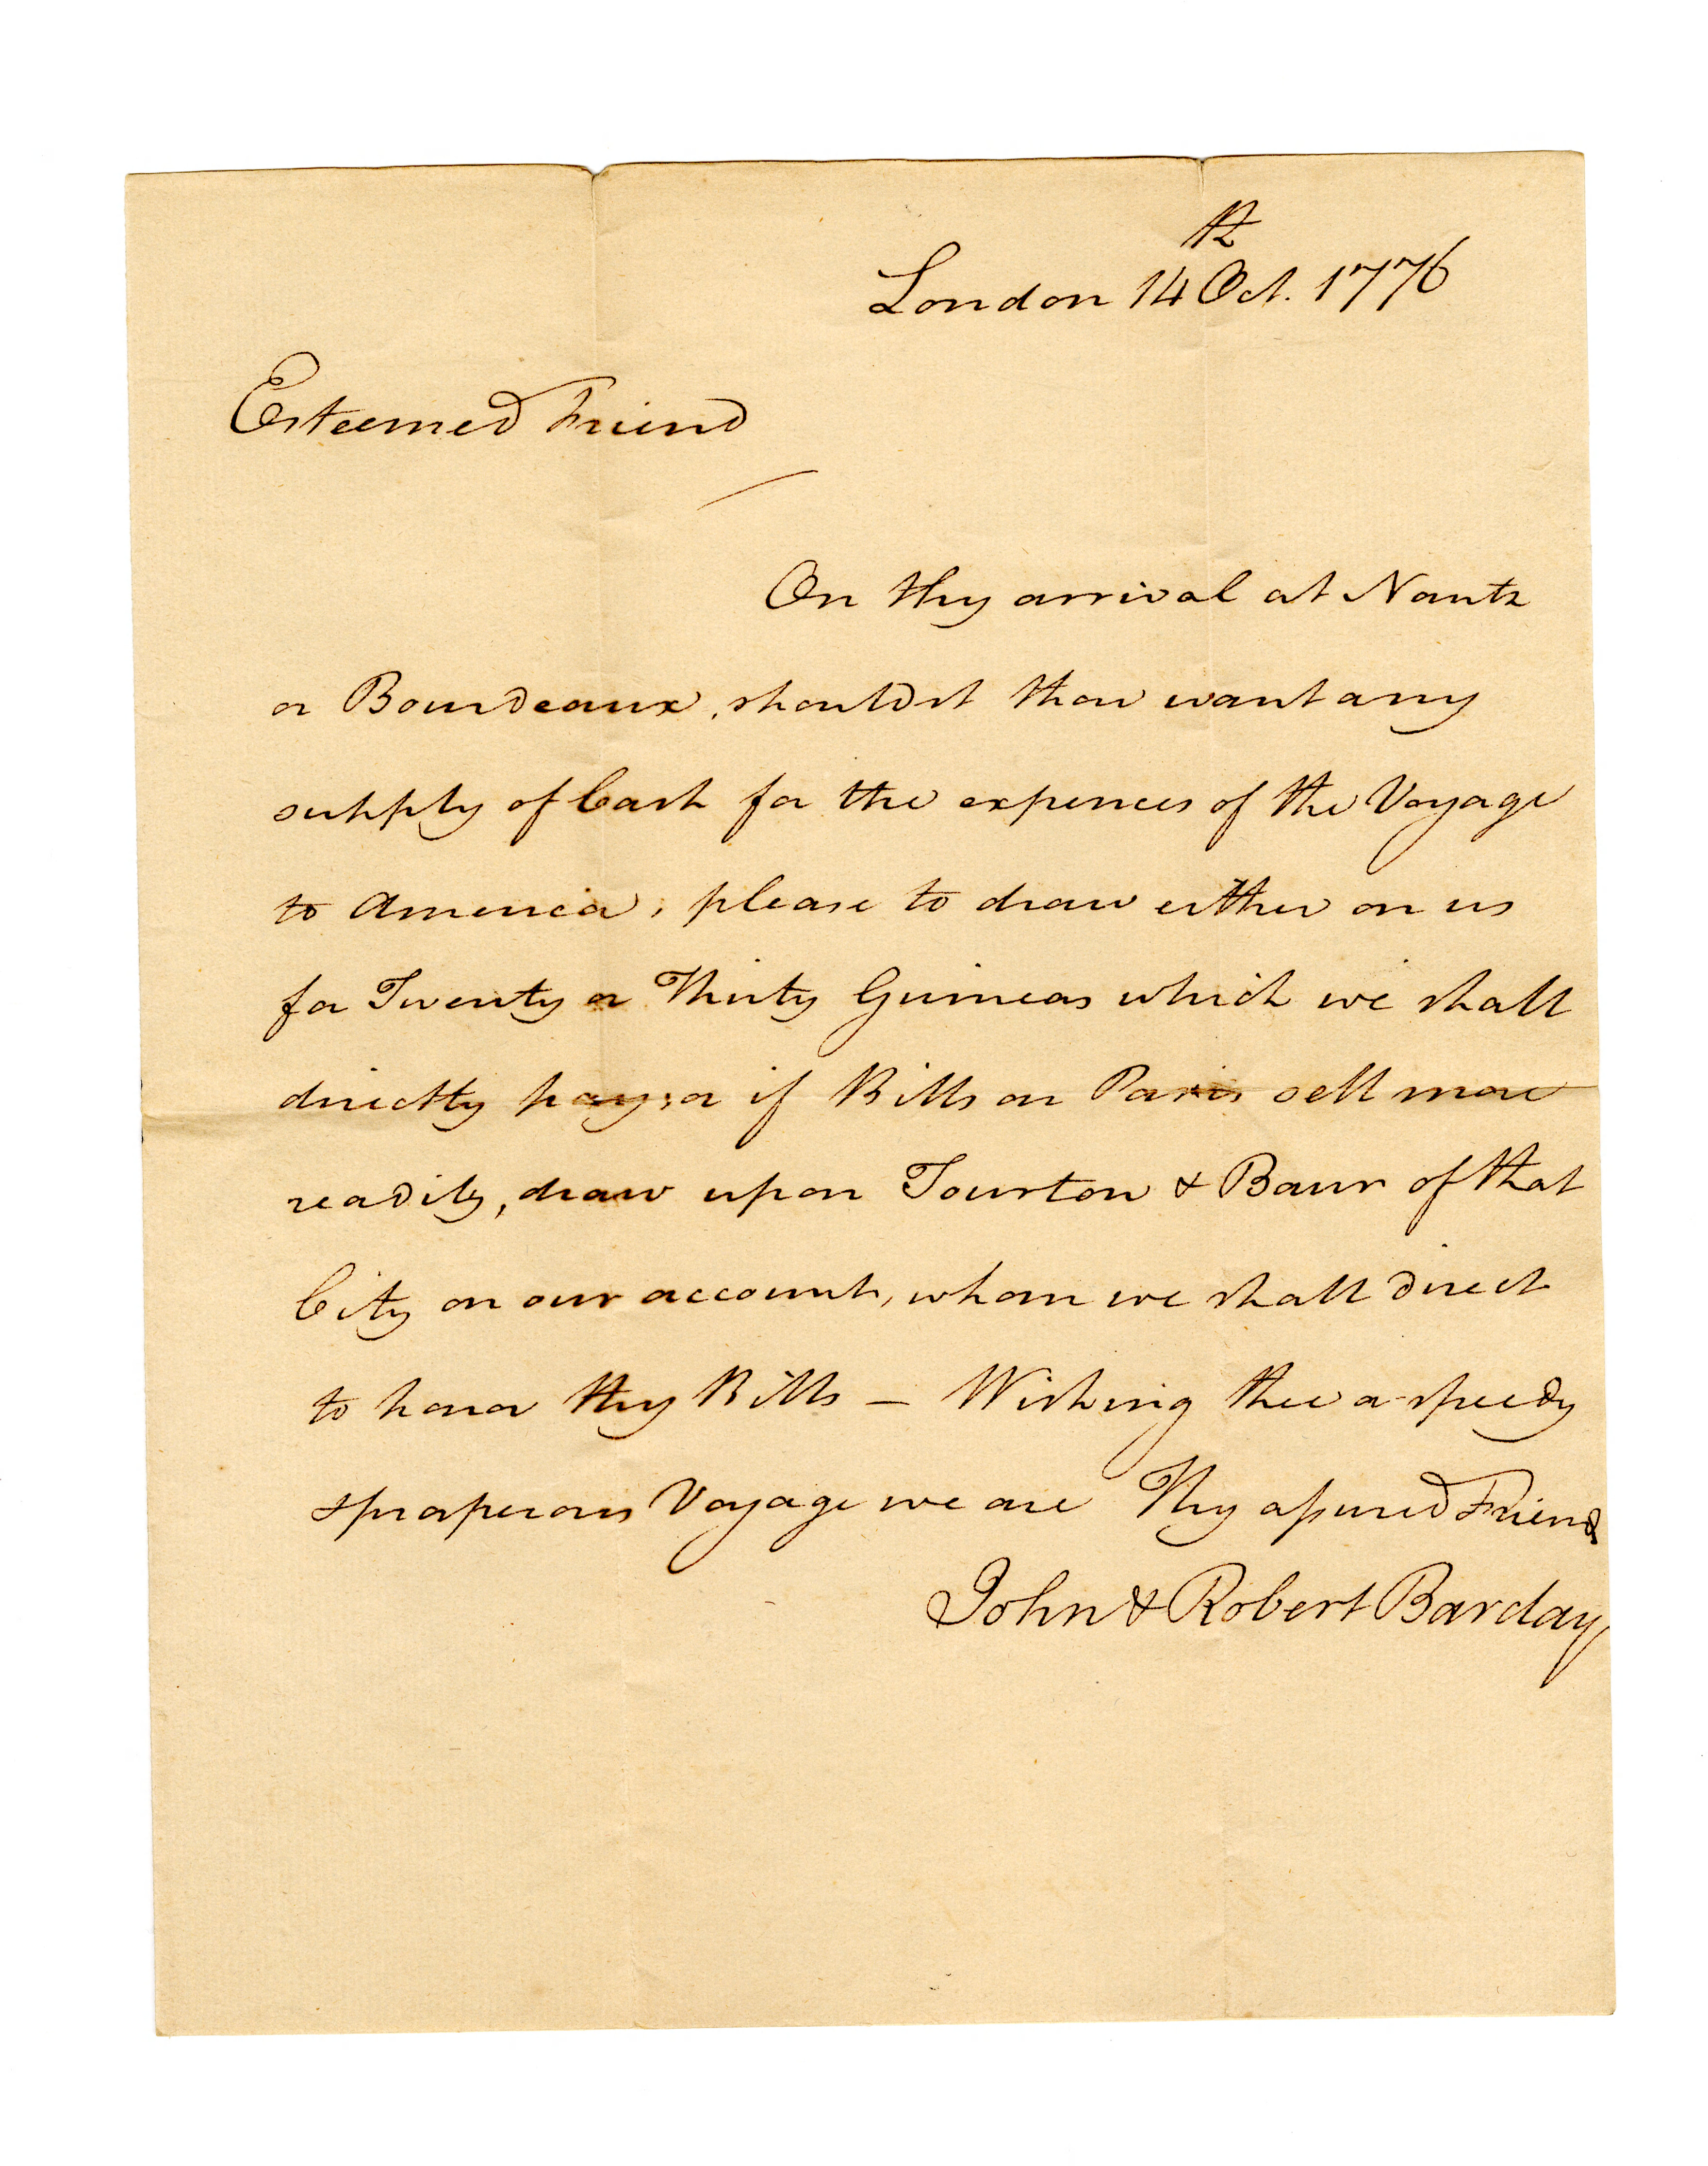London 14^th Oct. 1776
Esteemed Friend
On thy arrival at Nantz
or Bourdeaux shouldst thou want any
supply of Cash for the expences of the Voyage
to America; please to draw either on us
for Twenty or Thirty Guineas which we shall
directly pay, or if Bills on Paris sell more
readily, draw upon Tourton & Baur of that
City on our accounts, whom we shall direct
to honor thy Bills- Wishing thee a speedy
& prosperous Voyage we are Thy assured Friends
John & Robert Barclay